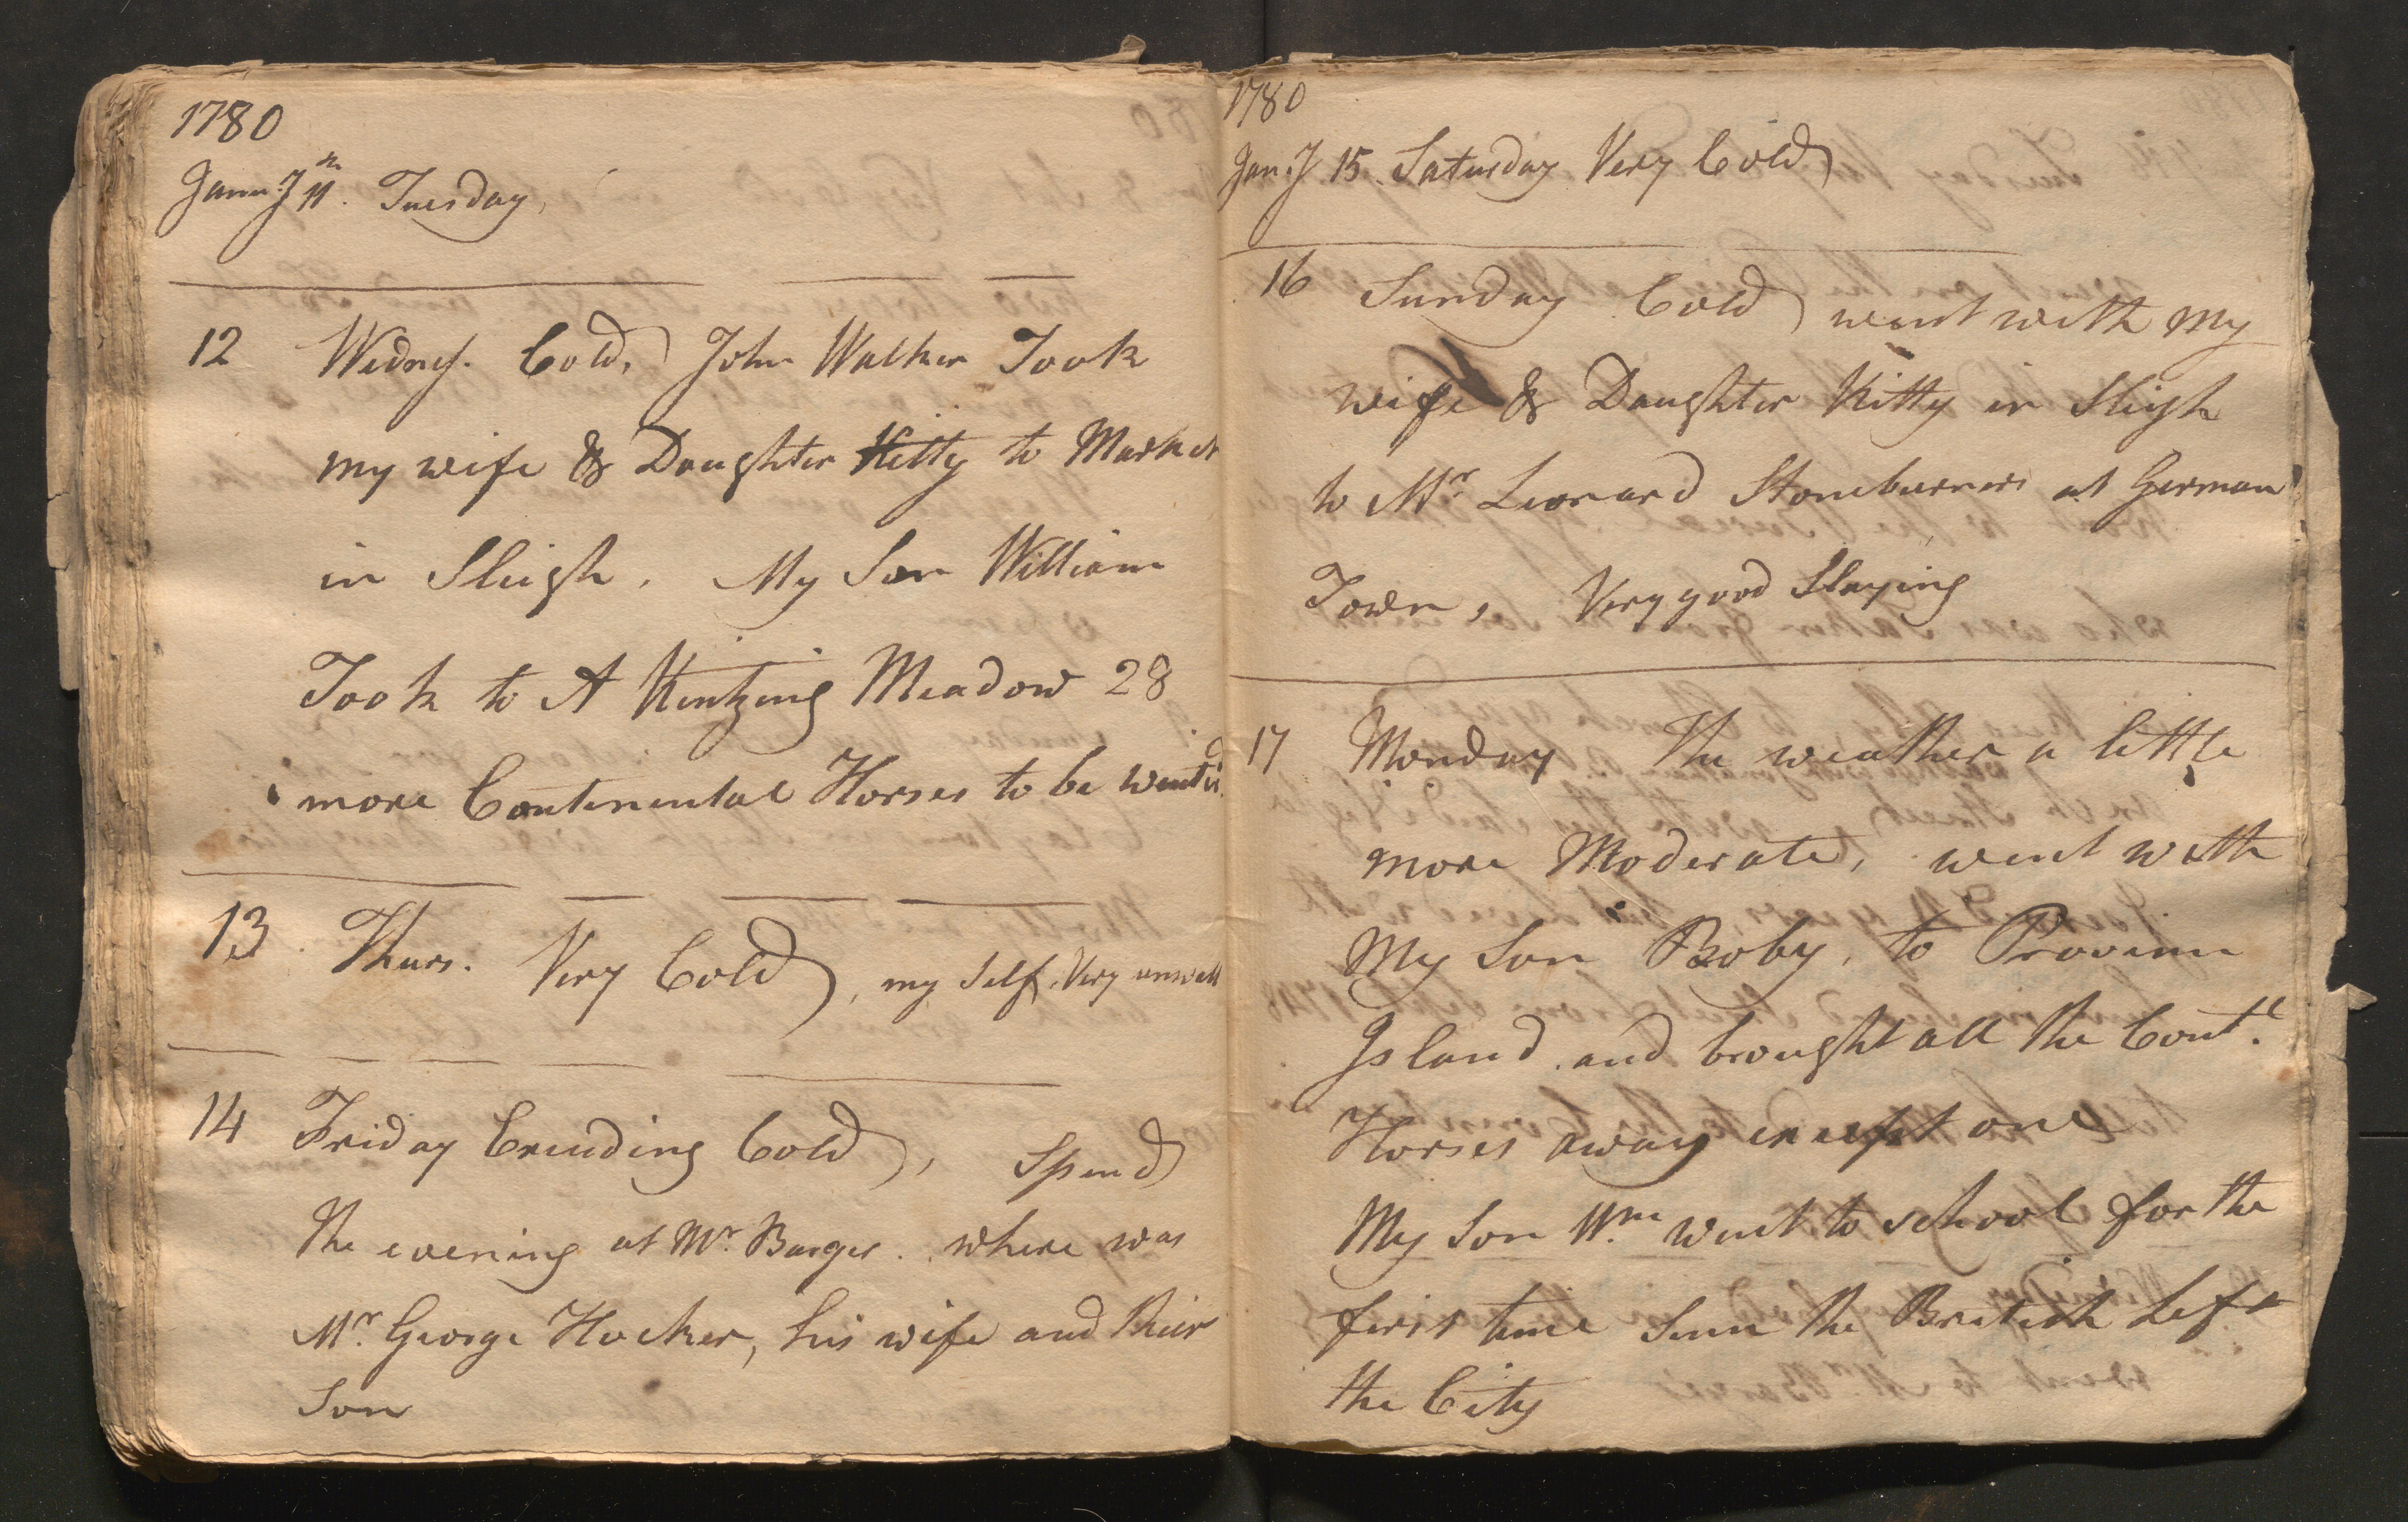1780
Jan^y. 11^th. Tuesday
12 Wednes. Cold, John Walker Took
my wife & Daughter Kitty to Market
in Sleigh, My Son William
Took to A Kintzing Meadow 28
more Continental Horses to be winterd
13. Thurs.Very Cold my self Very unwell
14 Friday Exceeding Cold, spend
The evening at M^r. Barges. where was
M^r. George Hocker, his wife and their
son
1780
Jan^y. 15. Saturday Very Cold
16 Sunday Cold went with my
wife & Daughter Kitty in Sleigh
to M^r. Leonard Stoneburners at German
Towns. Very good Slaying
17 Monday The weather a little
more Moderate, went with
My son Bobey, to Province
Island and brought all the Cont^l.
Horses away except one
My Son W^m. went to school for the
first time since the British Left
the City